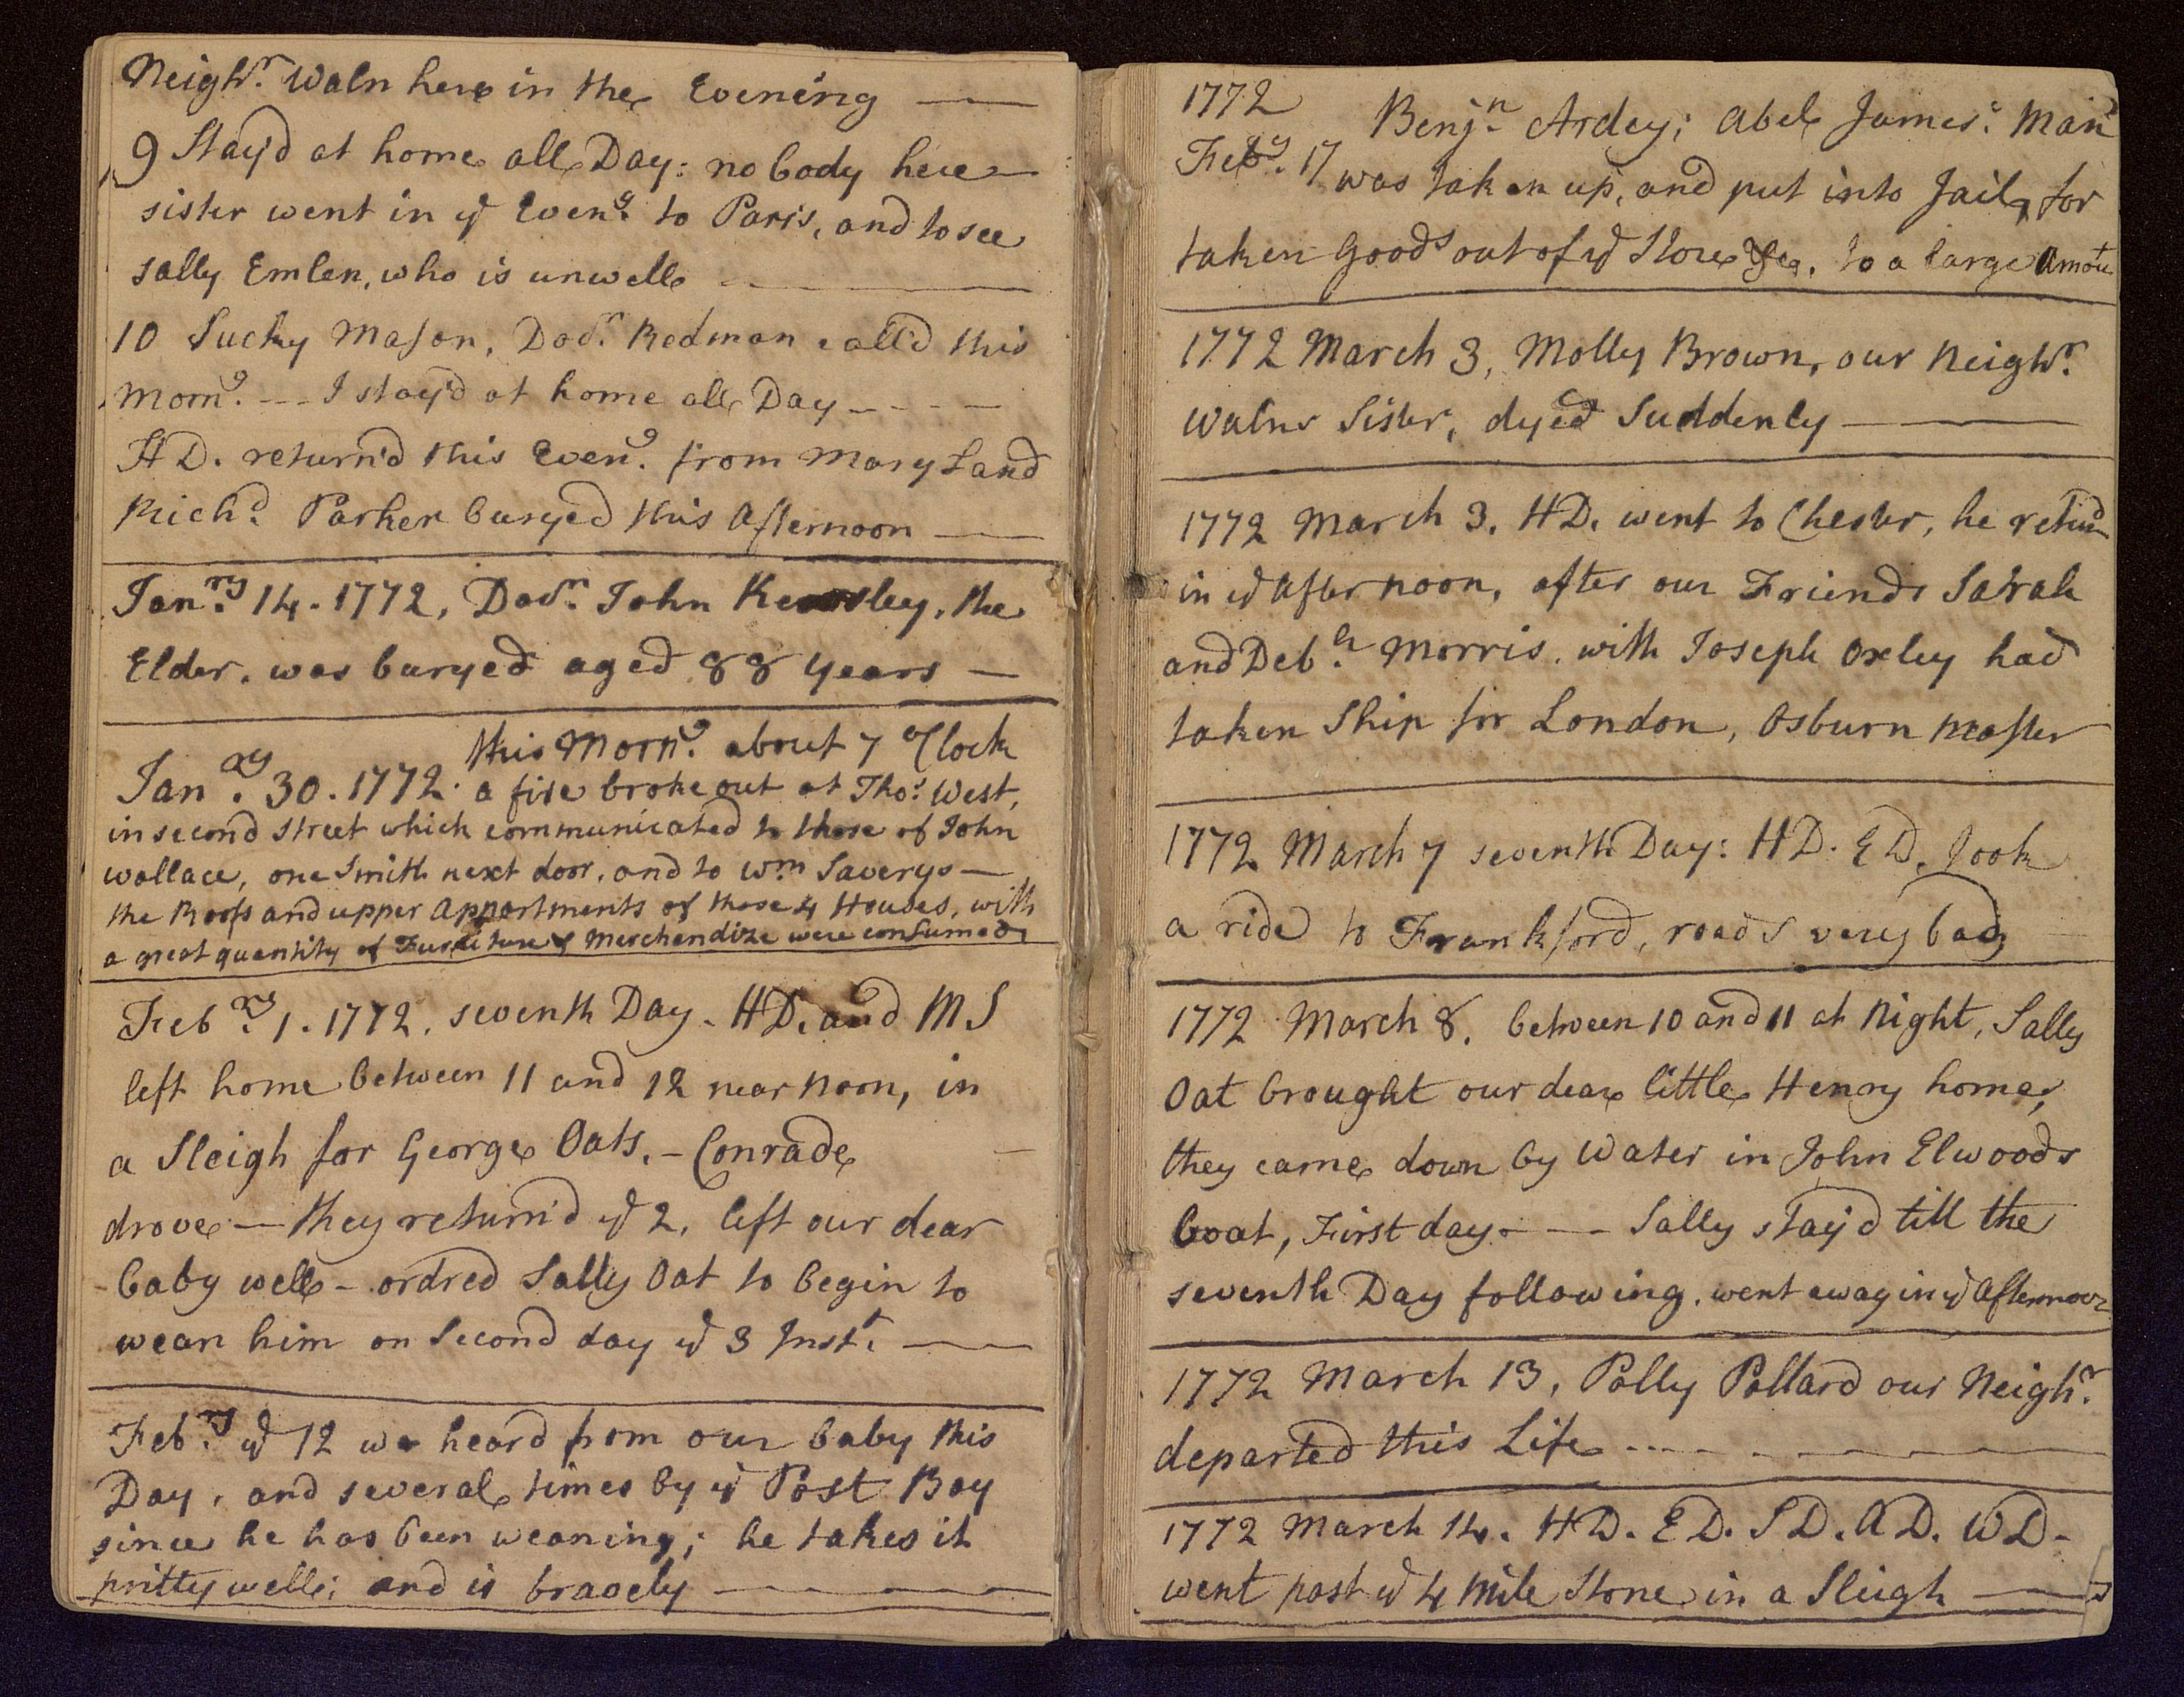Neigh^r. Waln here in the Evening-
9 Stay'd at home all Day: no body here -
sister went in y^e Even^g to Parr's, and to see
Sally Emlen, who is unwell-
10 Sucky Mason, Doc^r. Redman call'd this
Morn^g.- I stay'd at home all Day-
HD. return'd this Even^g. from Mary Land
Rich^d. Parker buryed this Afternoon-
Jan^ry. 14. 1772, Doc^r. John Kearsley, the
Elder. was buryed aged 88 years-
this Morn^g. about 7 oClock
Jan^ry. 30. 1772 a fire broke out at Tho^s West
in second street which communicated to these of John
Wallace, one Smith next door, and to W^m. Saverys-
the Roofs and upper Appartments of these 4 Houses, with
a great quantity of Furniture & merchendize were consumed
Feb^ry. 1. 1772. seventh Day. HD. and MS
left home between 11 and 12 near noon, in'
a Sleigh for George Oats.- Conrade
drove- they return'd y^e 2, left our dear
baby well- ordred Sally Oat to begin to
wean him on second day y^e 3 Inst^t?.-
Feb^ry. y^e 12 we heard from our baby this
Day, and several times by y^e Post Boy
since he has been weaning; he takes it
pritty well; and is bravely-
1772 Benj^n. Ardey; Abel James^s man
Feb^y. 17 was taken up, and put into Jail, for
taken goods out of y^e Store &c, to a large Amou^t
1772 March 3, Molly Brown, our Neigh^r.
Walns Sister, dyed Suddenly-
1772 March 3. HD. went to Chester, he return^d
in y^e afternoon, after our Friends Sarah
and Deb^h. Morris, with Joseph Oxley had
taken Ship for London, Osburn Mosser
1772 March 7 seventh Day: HD. ED. took
a ride to Frankford, road s very bad
1772 March 8. between10 and 11 at night, Sally
Oat brought our dear little Henry home
they came down by Water in John Elwoods
boat, First day--- Sally stay'd till the
seventh Day followinng, went away in y^e Afternoon
1772 March 13. Polly Pollard our Neigh^r.
departed this Life -
1772 march 14. HD. E D. SD. A D. WD-
went past y^e mile stone in a sleigh-